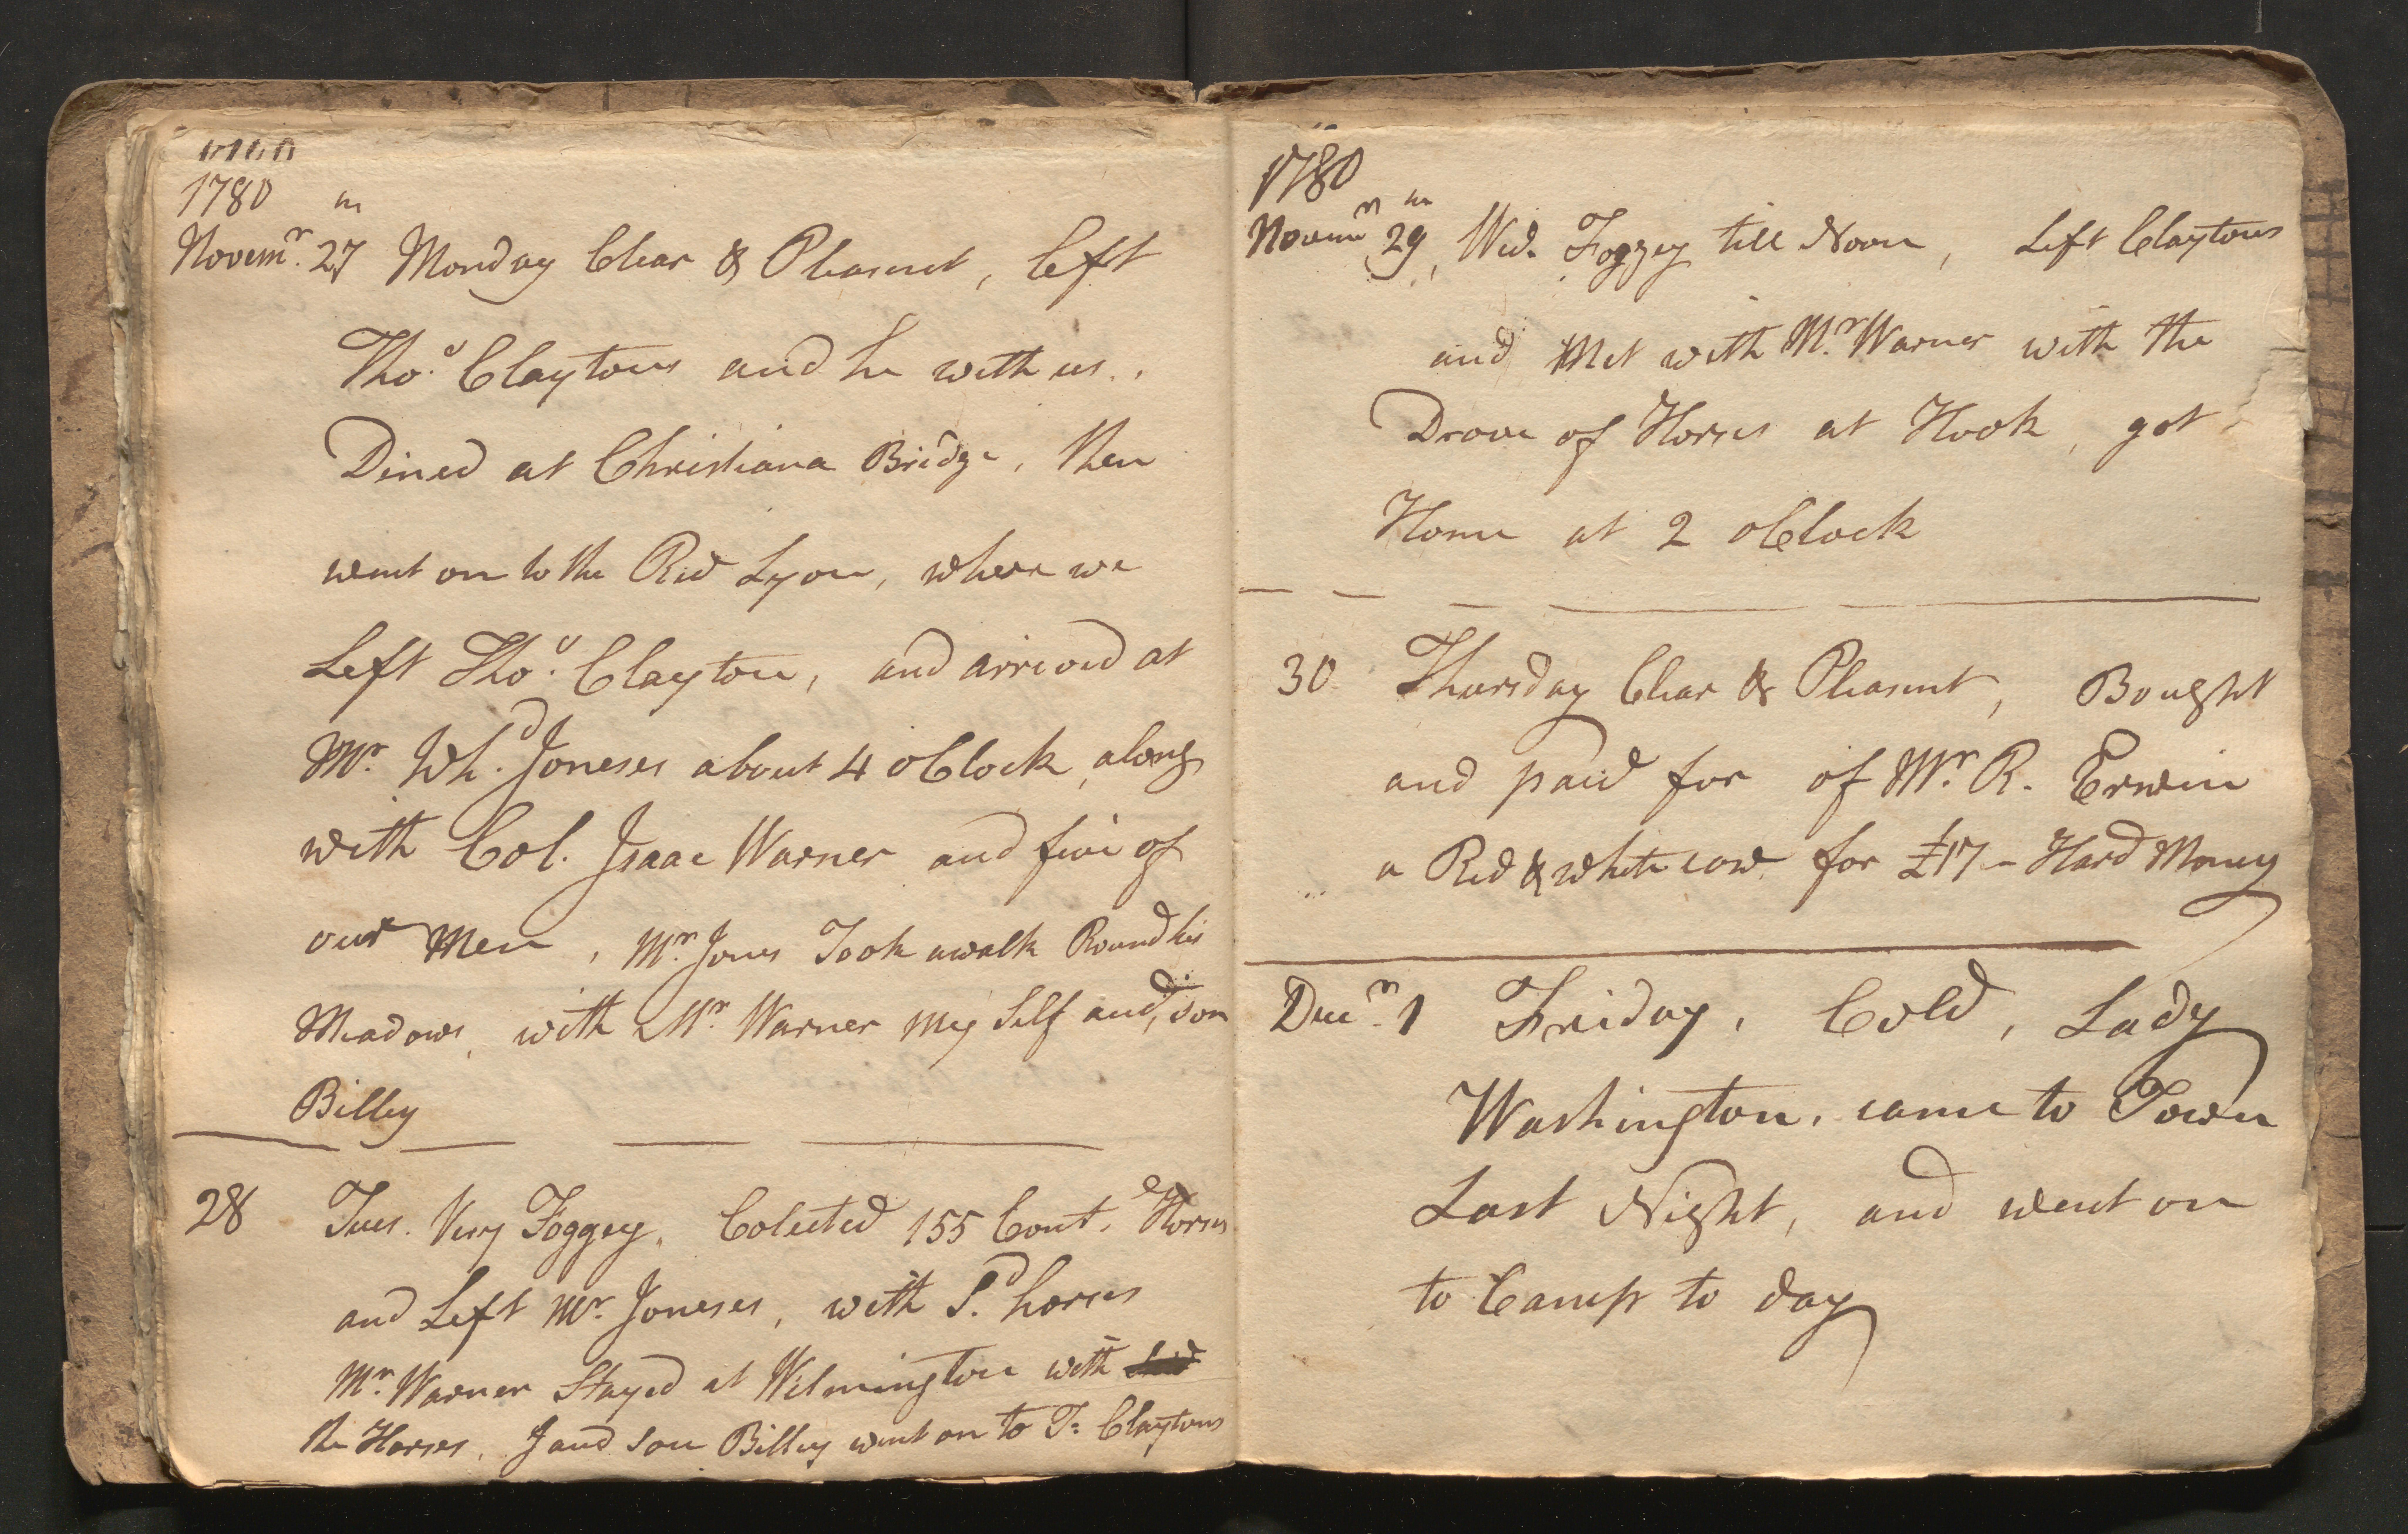1780
Novem^r. 27 Monday Clear & Pleasent, left
Tho^s. Claytons and he with us
Dined at Christiana Bridge, then
went on to the Red Lyon, where we
Left Tho^s. Clayton, and arrived at
M^r. Wh^d. Joneses about 4 oClock along
with Col. Isaac Warner and five of
our Men, M^r. Jones Took a walk Round his
Meadows with M^r. Warner My self and, son
Billey
28 Tues. Very Foggey. Colected 155 Cont. Horse
and Left M^r. Joneses, with s^d. horses
M^r. Warner Stayed at Wilmington with [Said]
the Horses. I and son Billey went on to T: Claytons
1780
Novem^r 29^th Wed. Foggey till Noon, Left Claytons
and Met with M^r. Warner with the
Drove of Horses at Hook, got
Home at 2 oClock
30 Thursday Clear & Pleasent, Bought
and paid for of M^r. R. Erwin
a Red & whitecow. for £17- Hard Money
Decc^r. 1 Friday. Cold, Lady
Washington, came to Town
Last Night, and went on
to Camp to day